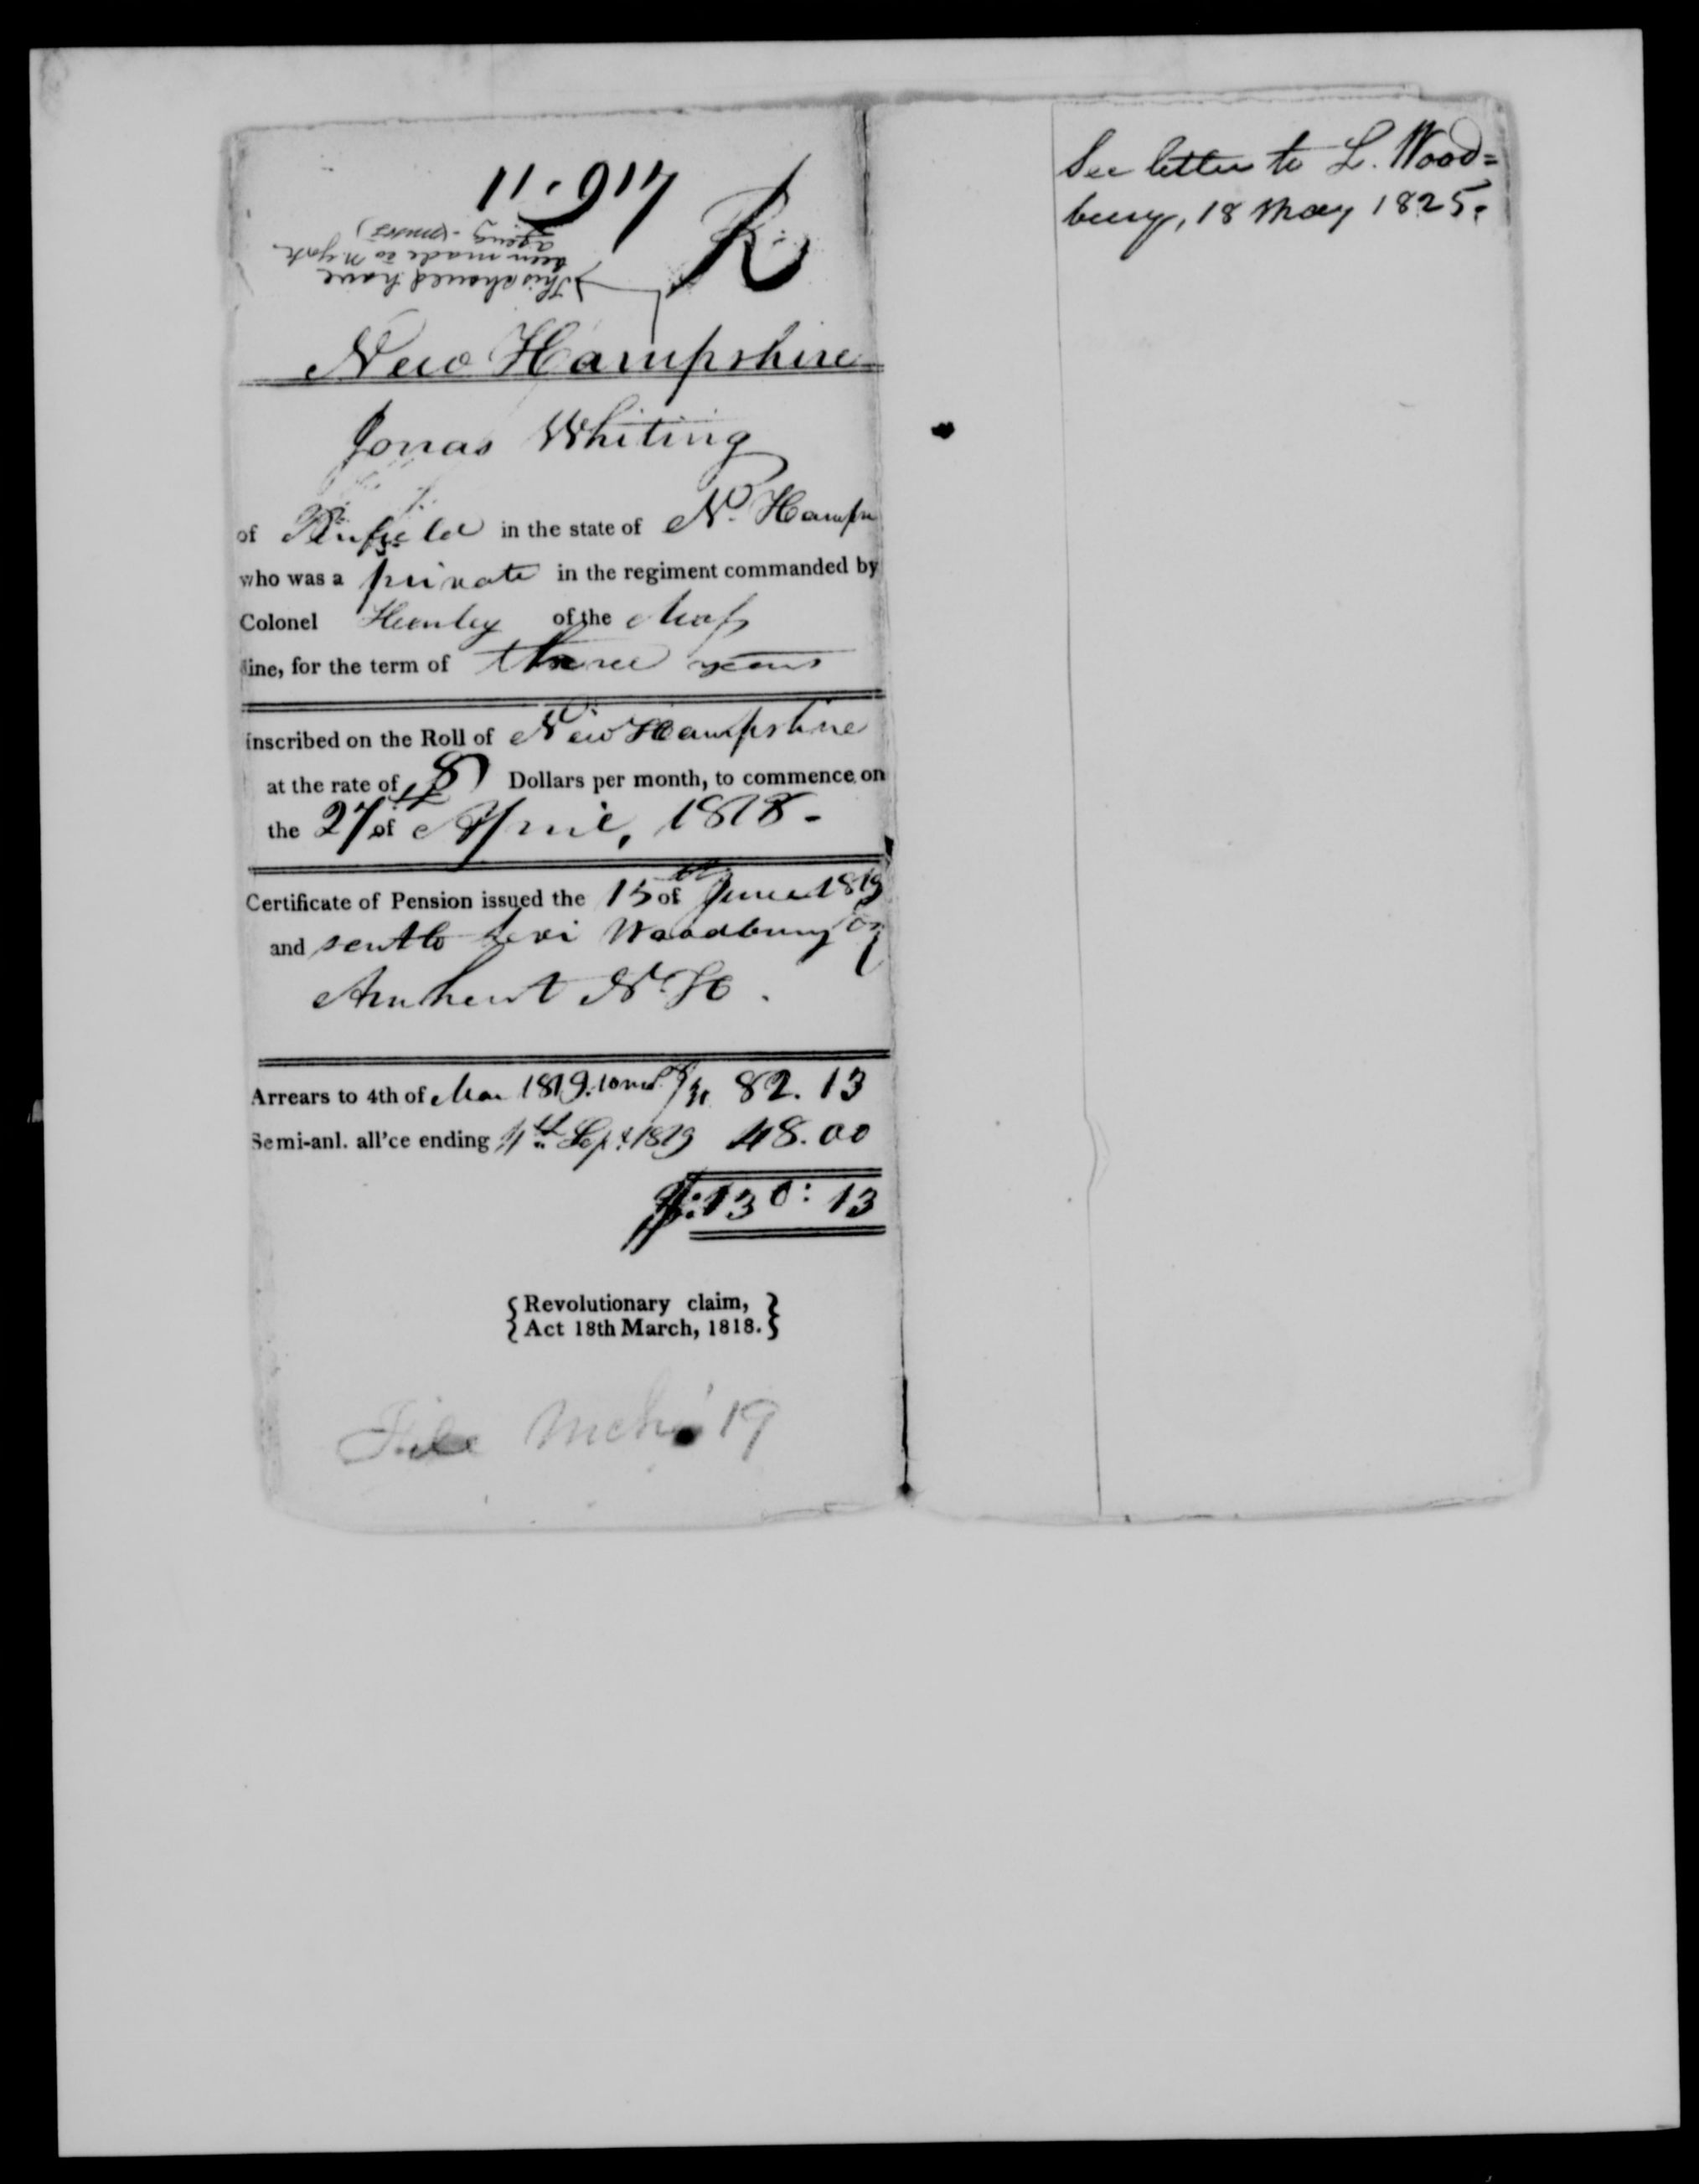11.97 Rev
New Hampshire
This should have been made to N. York agency (MHF) [pointing to New Hampshire]
New Hampshire
Jonas Whiting
of Penfield in the State of N. Hampshire
who was a private in the regiment commanded by Colonel Henley of the [indecipherable]
line, for the term of three years
___________

inscribed on the Roll of New Hampshire
at the rate of 8 Dollars per month, to commence on
the 27th of April, 1818.
_______________
Certificate of Pension issued the 15th of June
and sent to Levi Woodbury Esq
Amherst NH
_________________
Arrears to 4th of Mar 1819round    $82.13
Semi-anl. all'ce ending 4 Sept 1819 48.00
                                                     =======                                         
                                                      $130.13
Revolutionary claim,
Act 18th March, 1818.
File Mch 19
See letter to L. Wood-
bury, 18 May 1825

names: Levi Woodbury, Jonas Whiting, Henley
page: 11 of 22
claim: survivor's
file: S. 43298, Jonas Whiting, Mass.